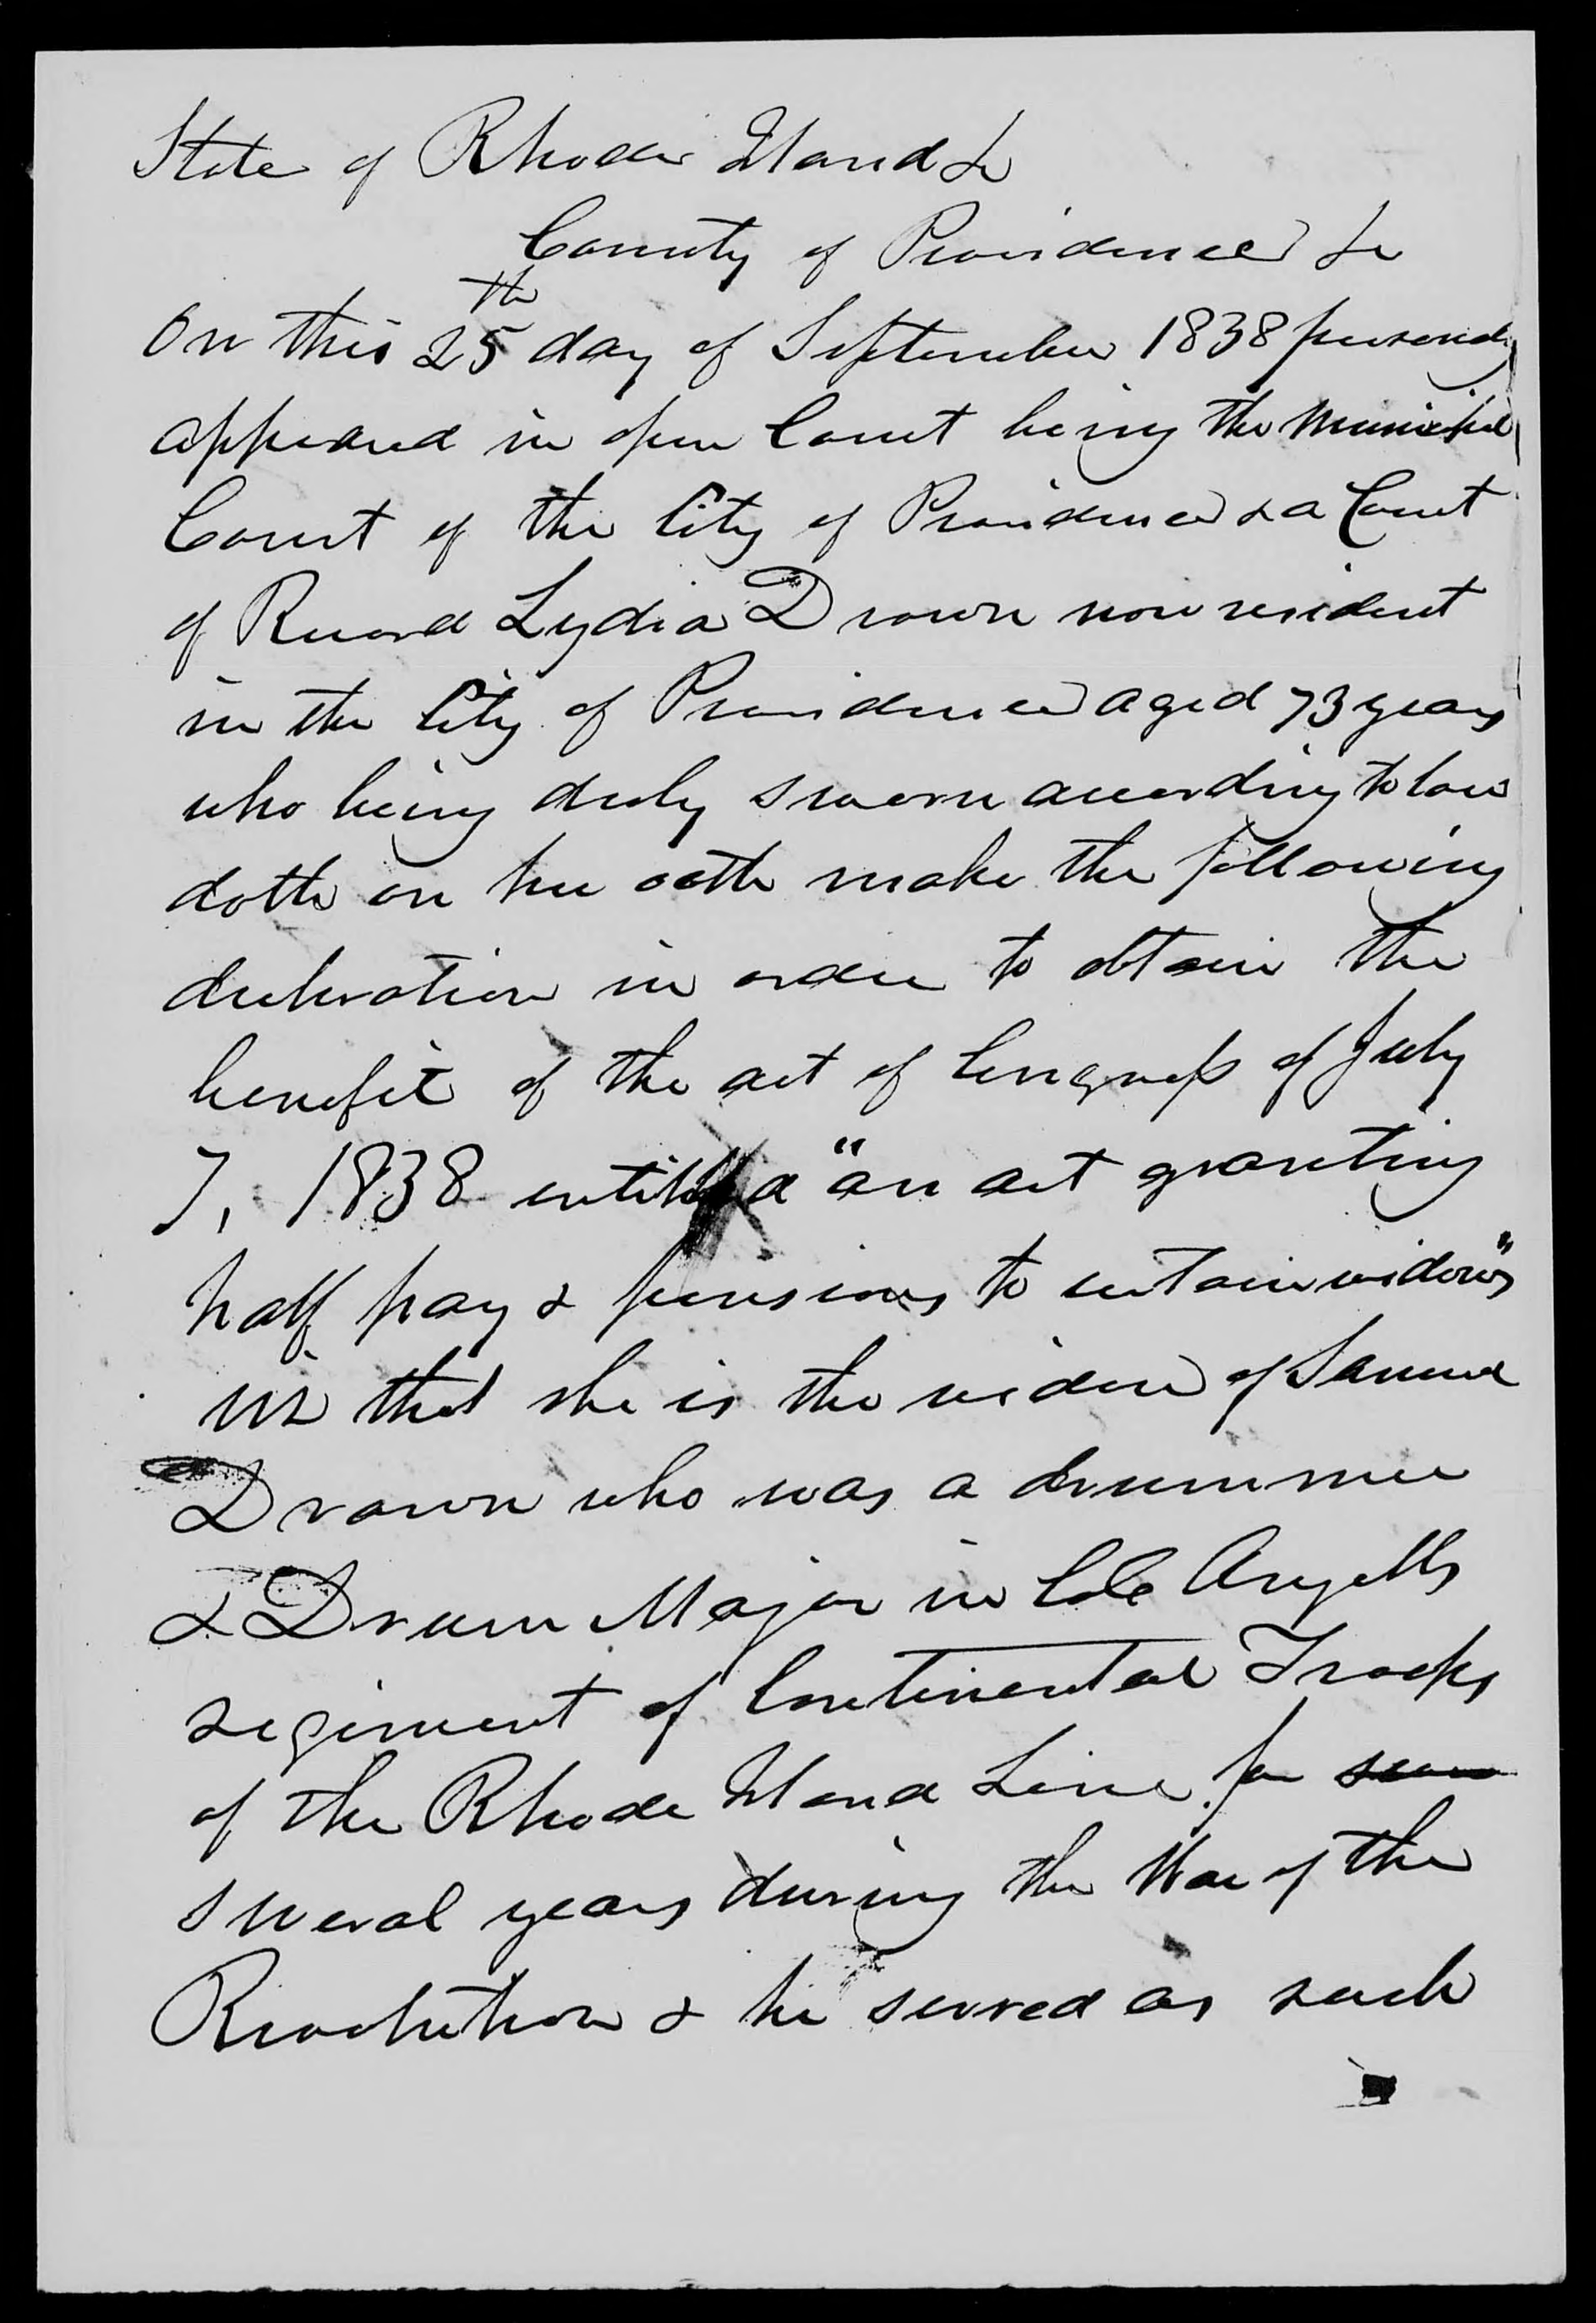State of Rhode Island
County of Providence Ss
On this 25th day of September 1838 personally
appeared in open Court being the municpal
Court of the City of Providence & a Court
of Record Lydia Drown now resident
in the City of Providence aged 73 years
who being duly sworn according to law
doth on her oath make the following
declaration in order to obtain the benefit of the act  of [illegible] of July 7, 1838 entitled "an act granting
half pay & pensions to certain widows" in that
she is the widow of Samuel Drown who was a drummer & Drum Major in Col Angells
regiment of Continental Troops
of the Rhode Island Line for
several years during the war of the
Revolution & he served as such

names: Samuel Drown, Lydia Drown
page: 10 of 31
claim: widow's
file: W 21004, Samuel Drown, R.I.